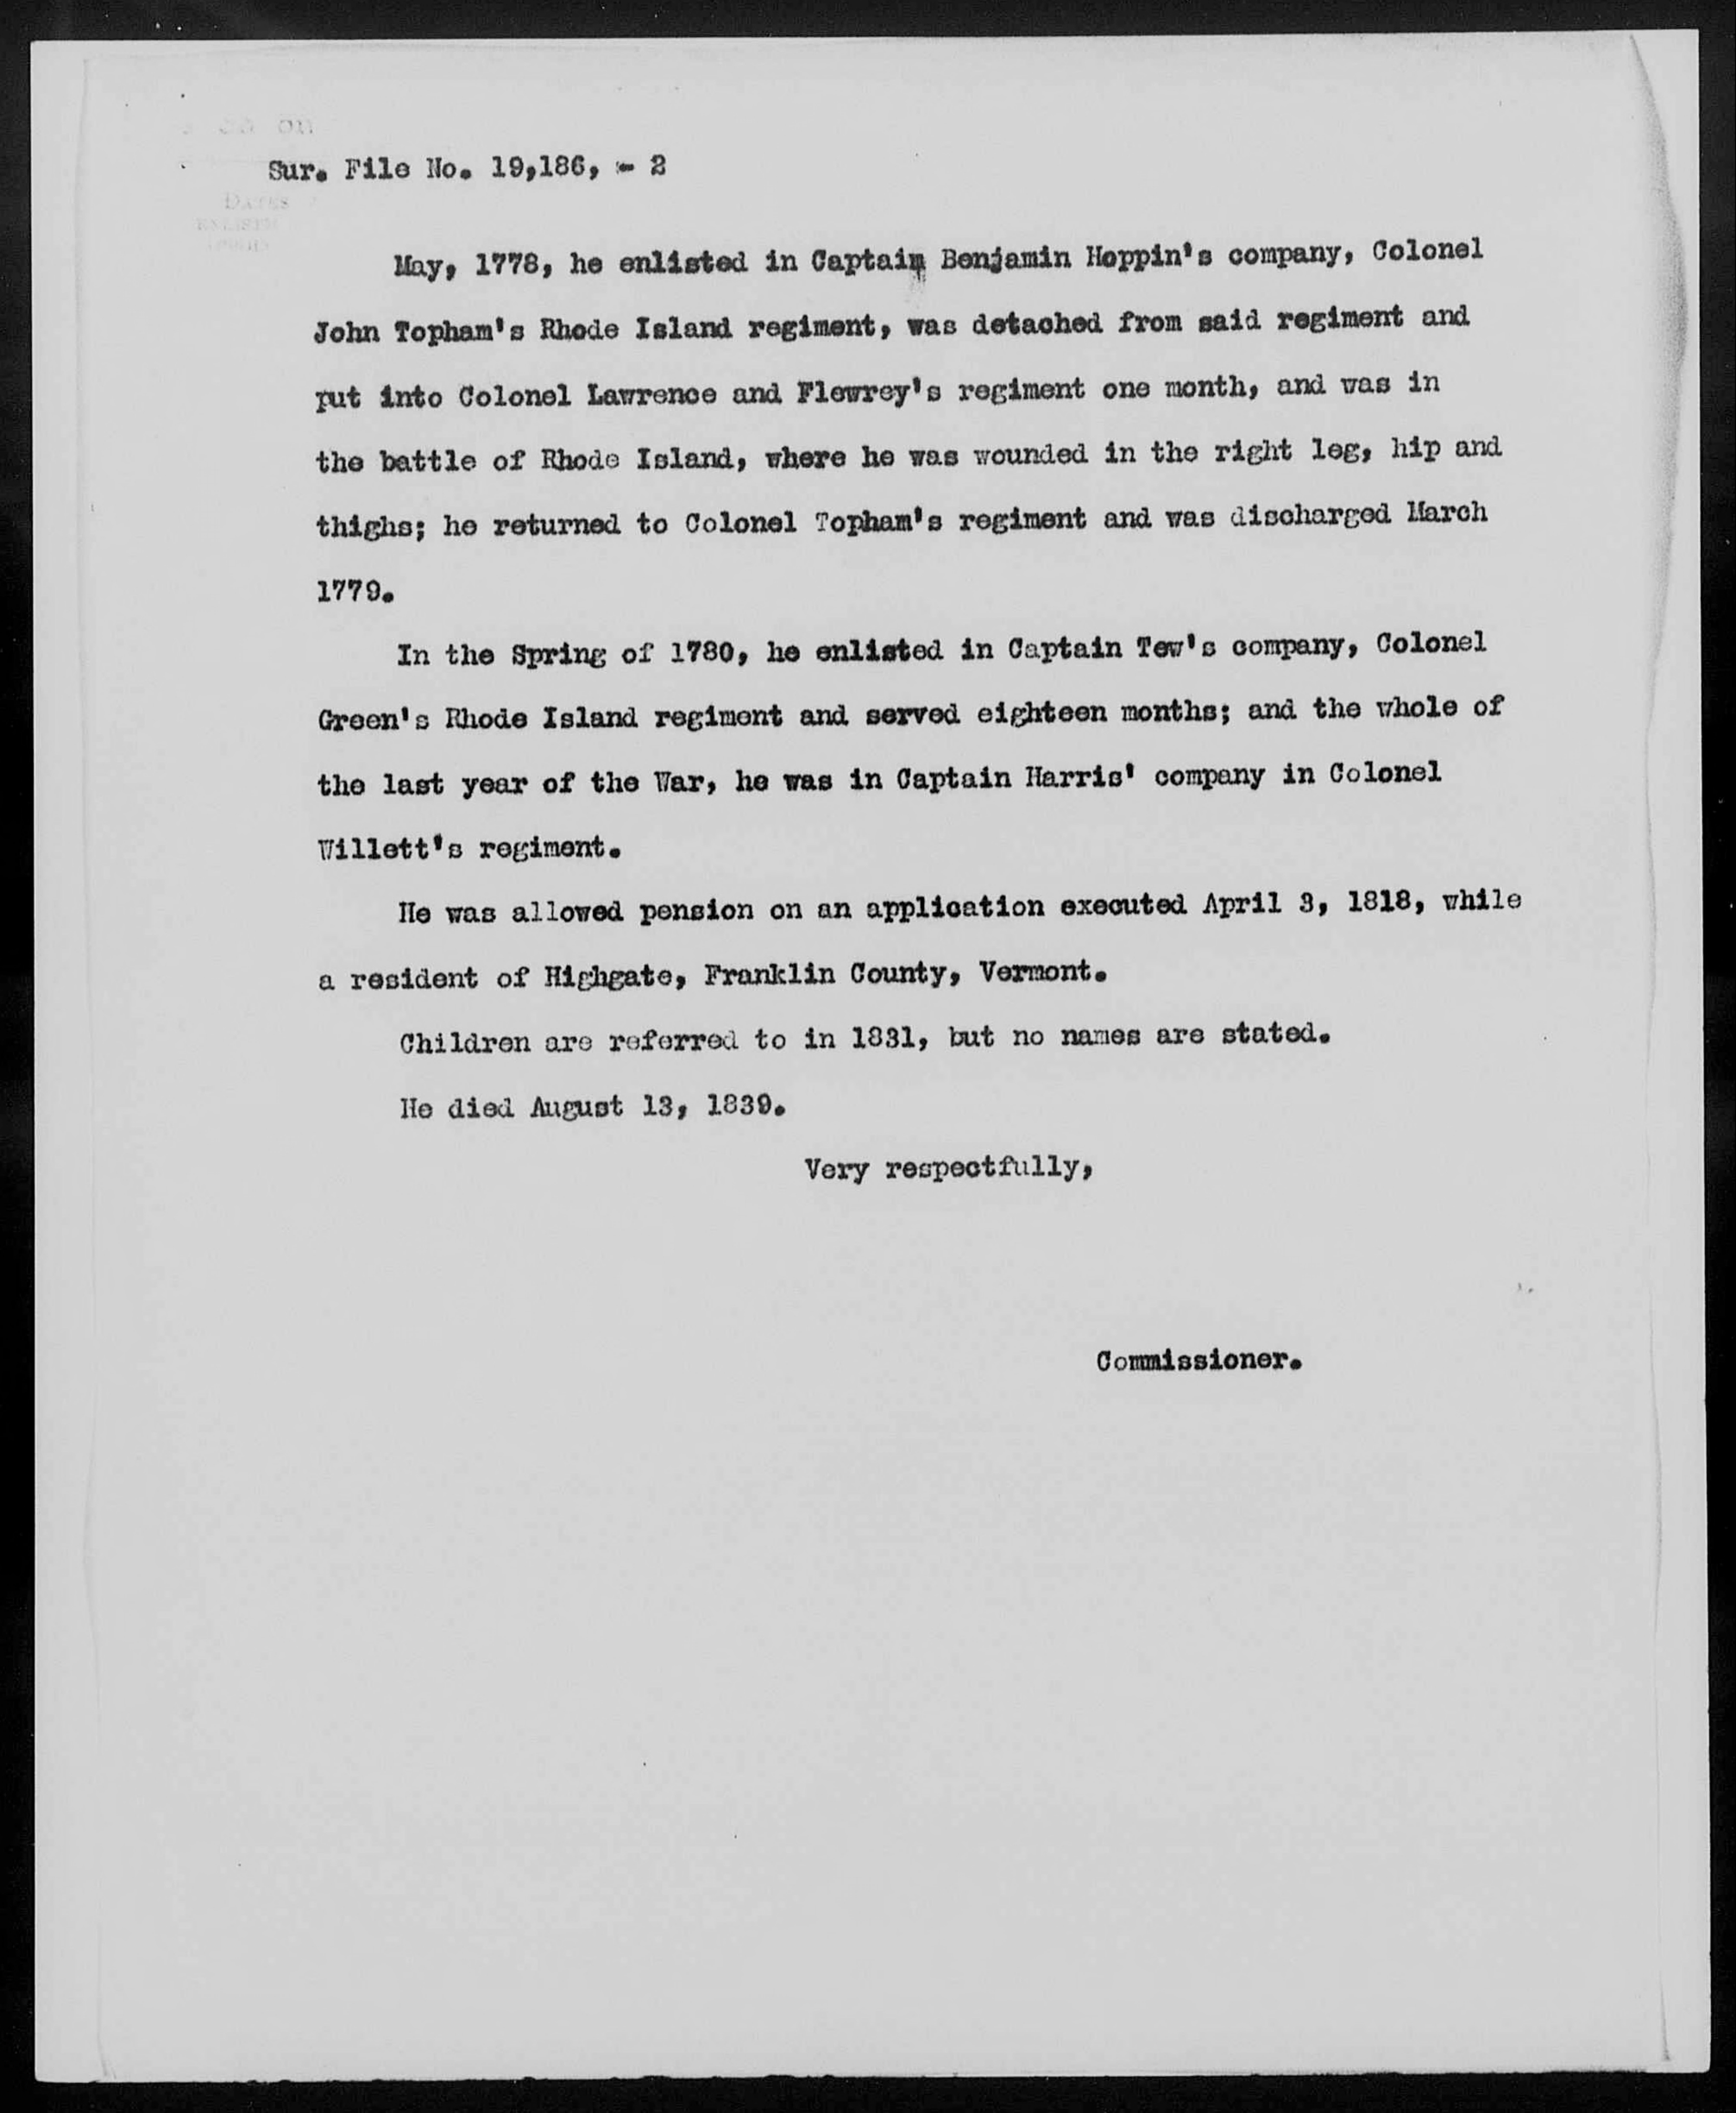Sur. File No. 19,186, - 2

May, 1778, he enlisted in Captain Benjamin Hoppin's company, Colonel John Topham's Rhode Island regiment, was detached from said regiment and was put into Colonel Lawrence and Flewrey's regiment one month, and was in the battle of Rhode Island, where he was wounded in the right leg, hip and thighs; he returned to Colonel Topham's regiment and was discharged March 1779.
In the Spring of 1780, he enlisted in Captain Tew's company, Colonel Green's Rhode Island regiment and served eighteen months; and the whole of the last year of the War, he was in Captain Harris' company in Colonel Willett's regiment.
He was allowed pension on an application executed April 3, 1818, while a resident of Highgate, Franklin County, Vermont.
Children are referred to in 1831, but no names are stated.
He died August 13, 1839.
Very respectfully,
Commissioner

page: 31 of 100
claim: survivor's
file: S 19186, James Austin, Conn. New York R.I.